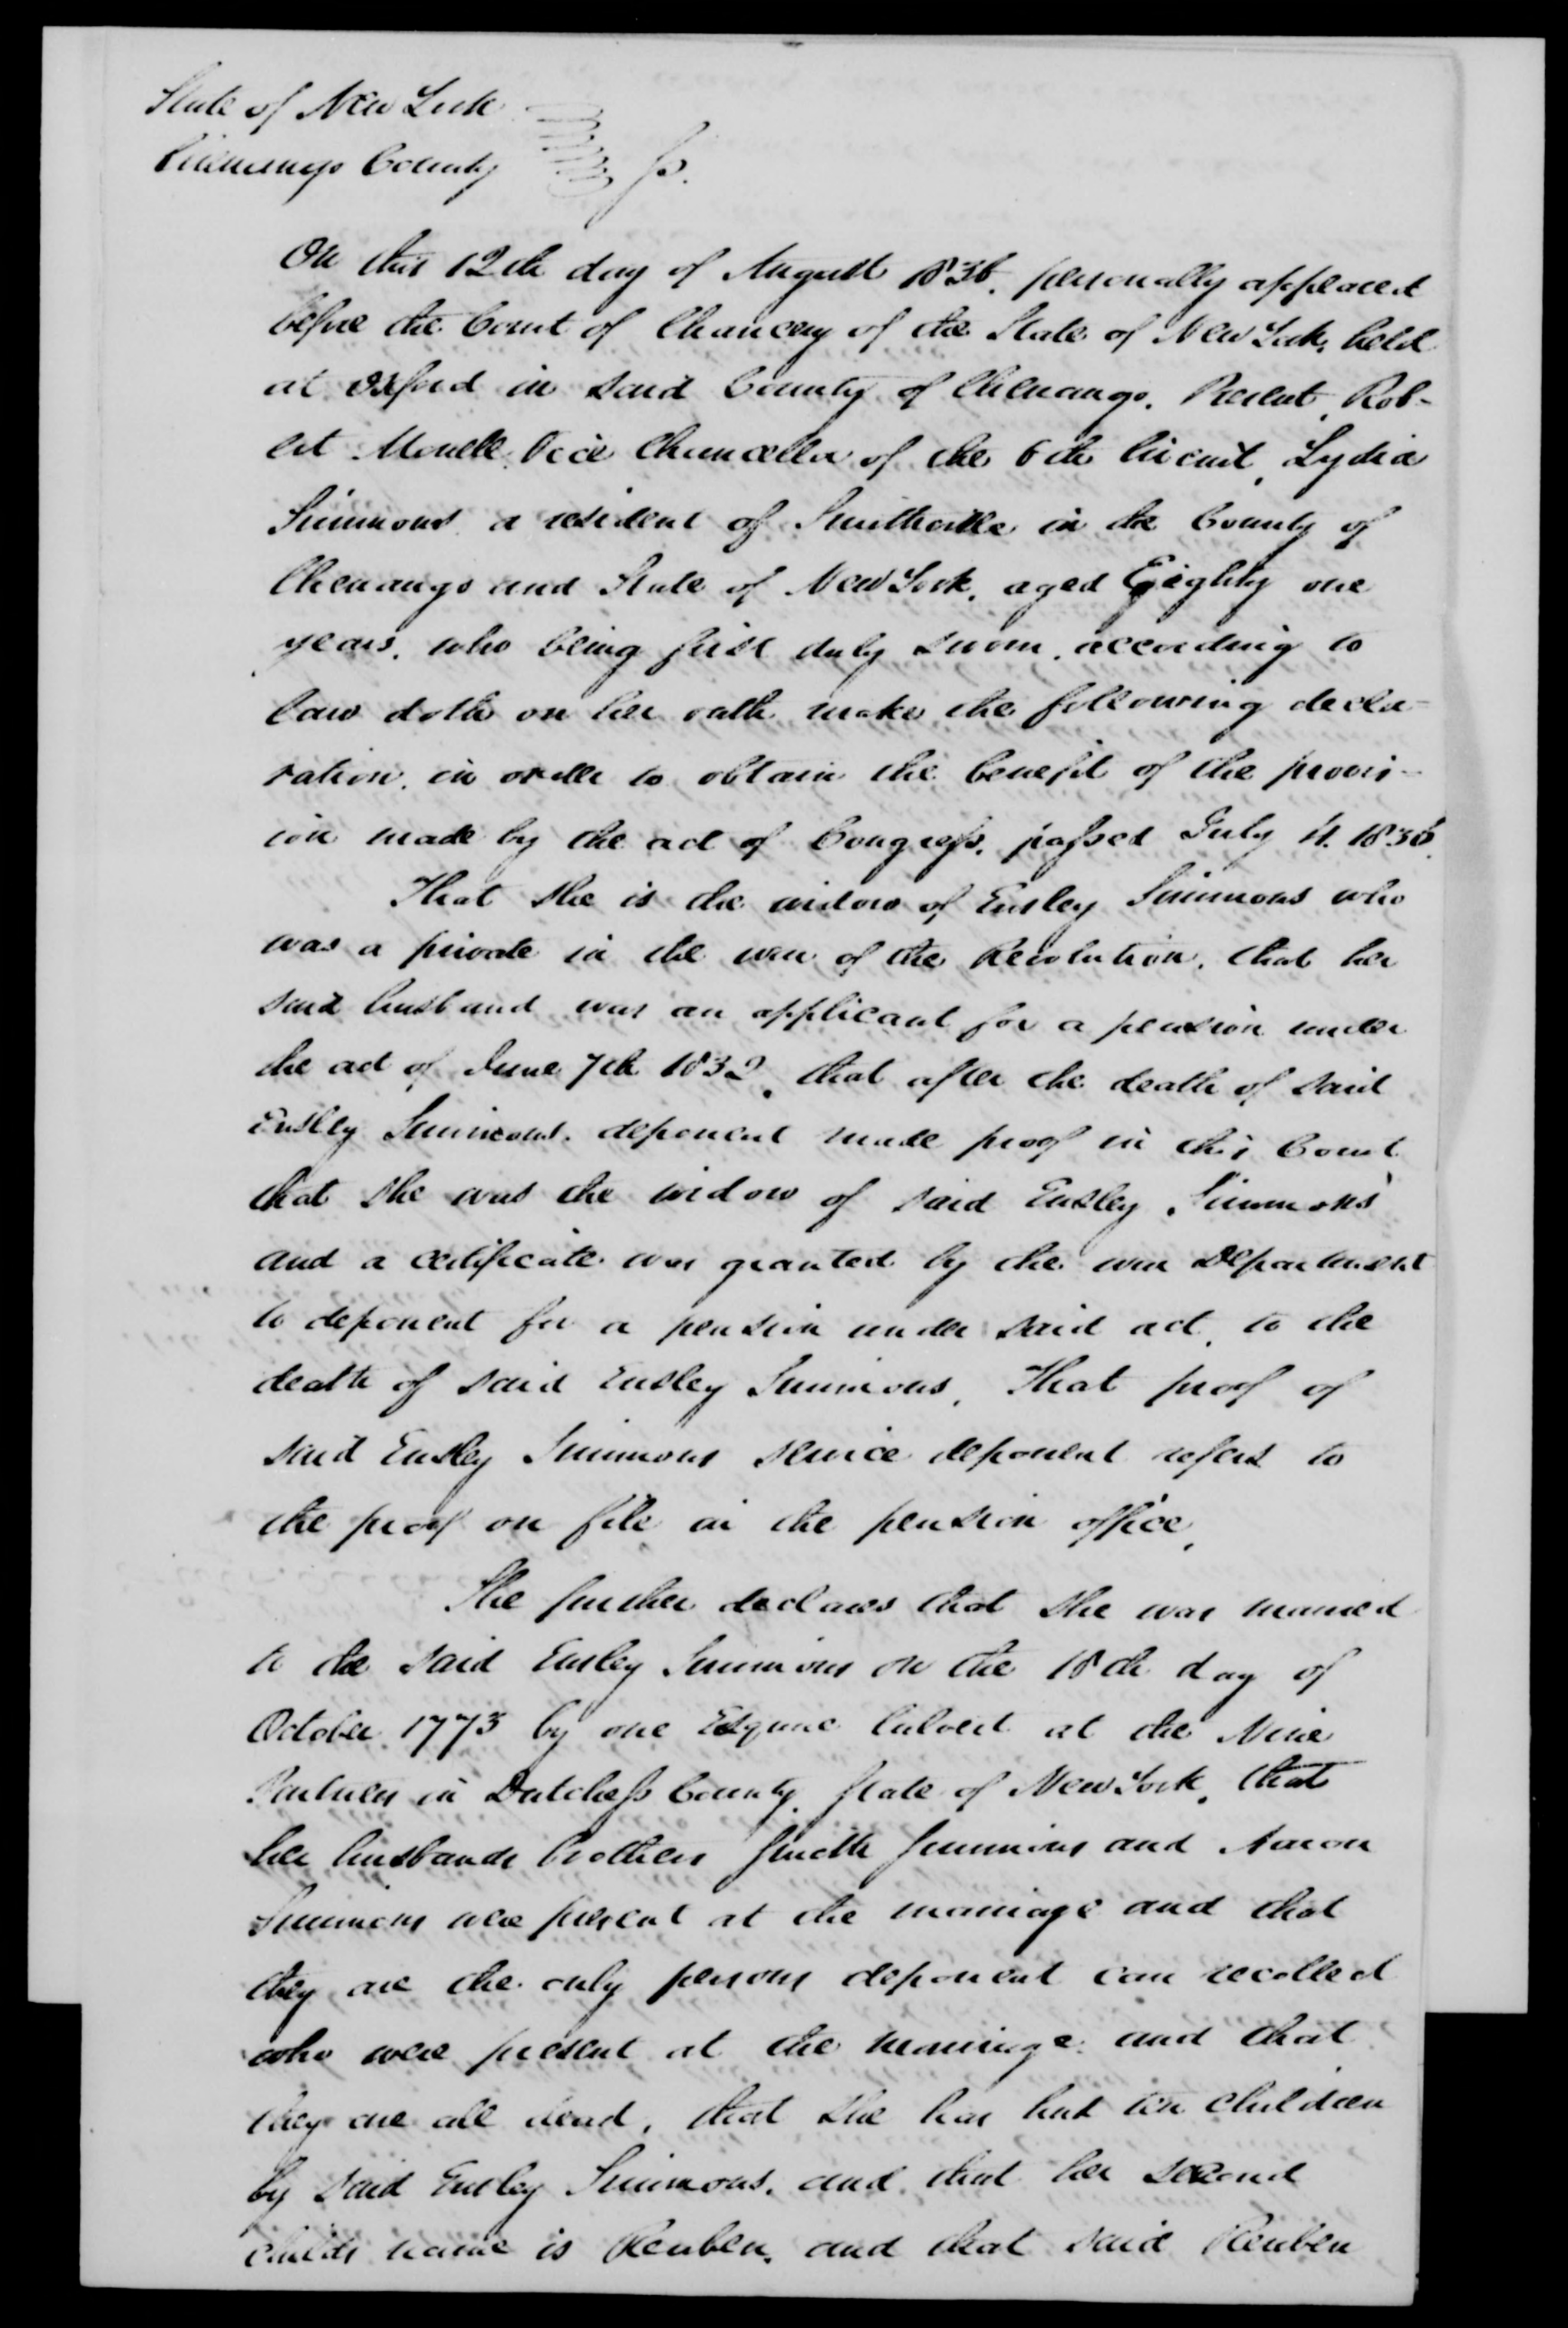State of New York, Chanango County ss.
On this 12th day of August 1838, personally appeared before the Court of Chancery of the State of New York, held at Oxford in said County of Chenango, present Robert Morrell [illegible] Chanceller of the 6th Circuit Lydia Simmons a resident of Preusthoille in the County of Chanango and State of New York, aged eighty one years, who being first duly sworn according to law doth on her oath make the following declaration, in order to obtain the benefit of the provision made by the act of Congress, passed July 4, 1836.
That she is the widow of Ensley Simmons who was a private in the war of the Revolution, that her said husband was an applicant for a pension under the act of June 7th 1832. That after the death of said Ensley Simmons, deponent made proof in this Court that she was the widow of said Ensley Simmons and a certificate was granted by the war department to deponent for a pension under said act, to the death of said Ensley Simmons,. That proof of said Ensley Simmons service deponent refers to the proof on file in the pension office.
She further declares that she was married to the said Ensley Simmons on the 18th day of October 1775 by one Edgure Culvert at the Nine [illegible] in Dutchess County, State of New York. That her husbands brothers Sineth Simmons and Aaron Simmons were present at the marriage and that they are the only persons deponent can recollect who were present at the marriage and that they are all dead, that she has had ten children by said Ensley Simmons, and that her second childs name is Reuben and that said Reuben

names: Ensley Simmons; Reuben [BLANK]; Ensley Simmons; Ensley Simmons; Ensley Simmons; Ensley Simmons; Lydia Simmons; Ensley Simmons; Aaron Simmons; Ensley Simmons; Reuben [BLANK]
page: 13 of 29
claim: widow's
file: W. 19,032, for Ensley Simmons, New York